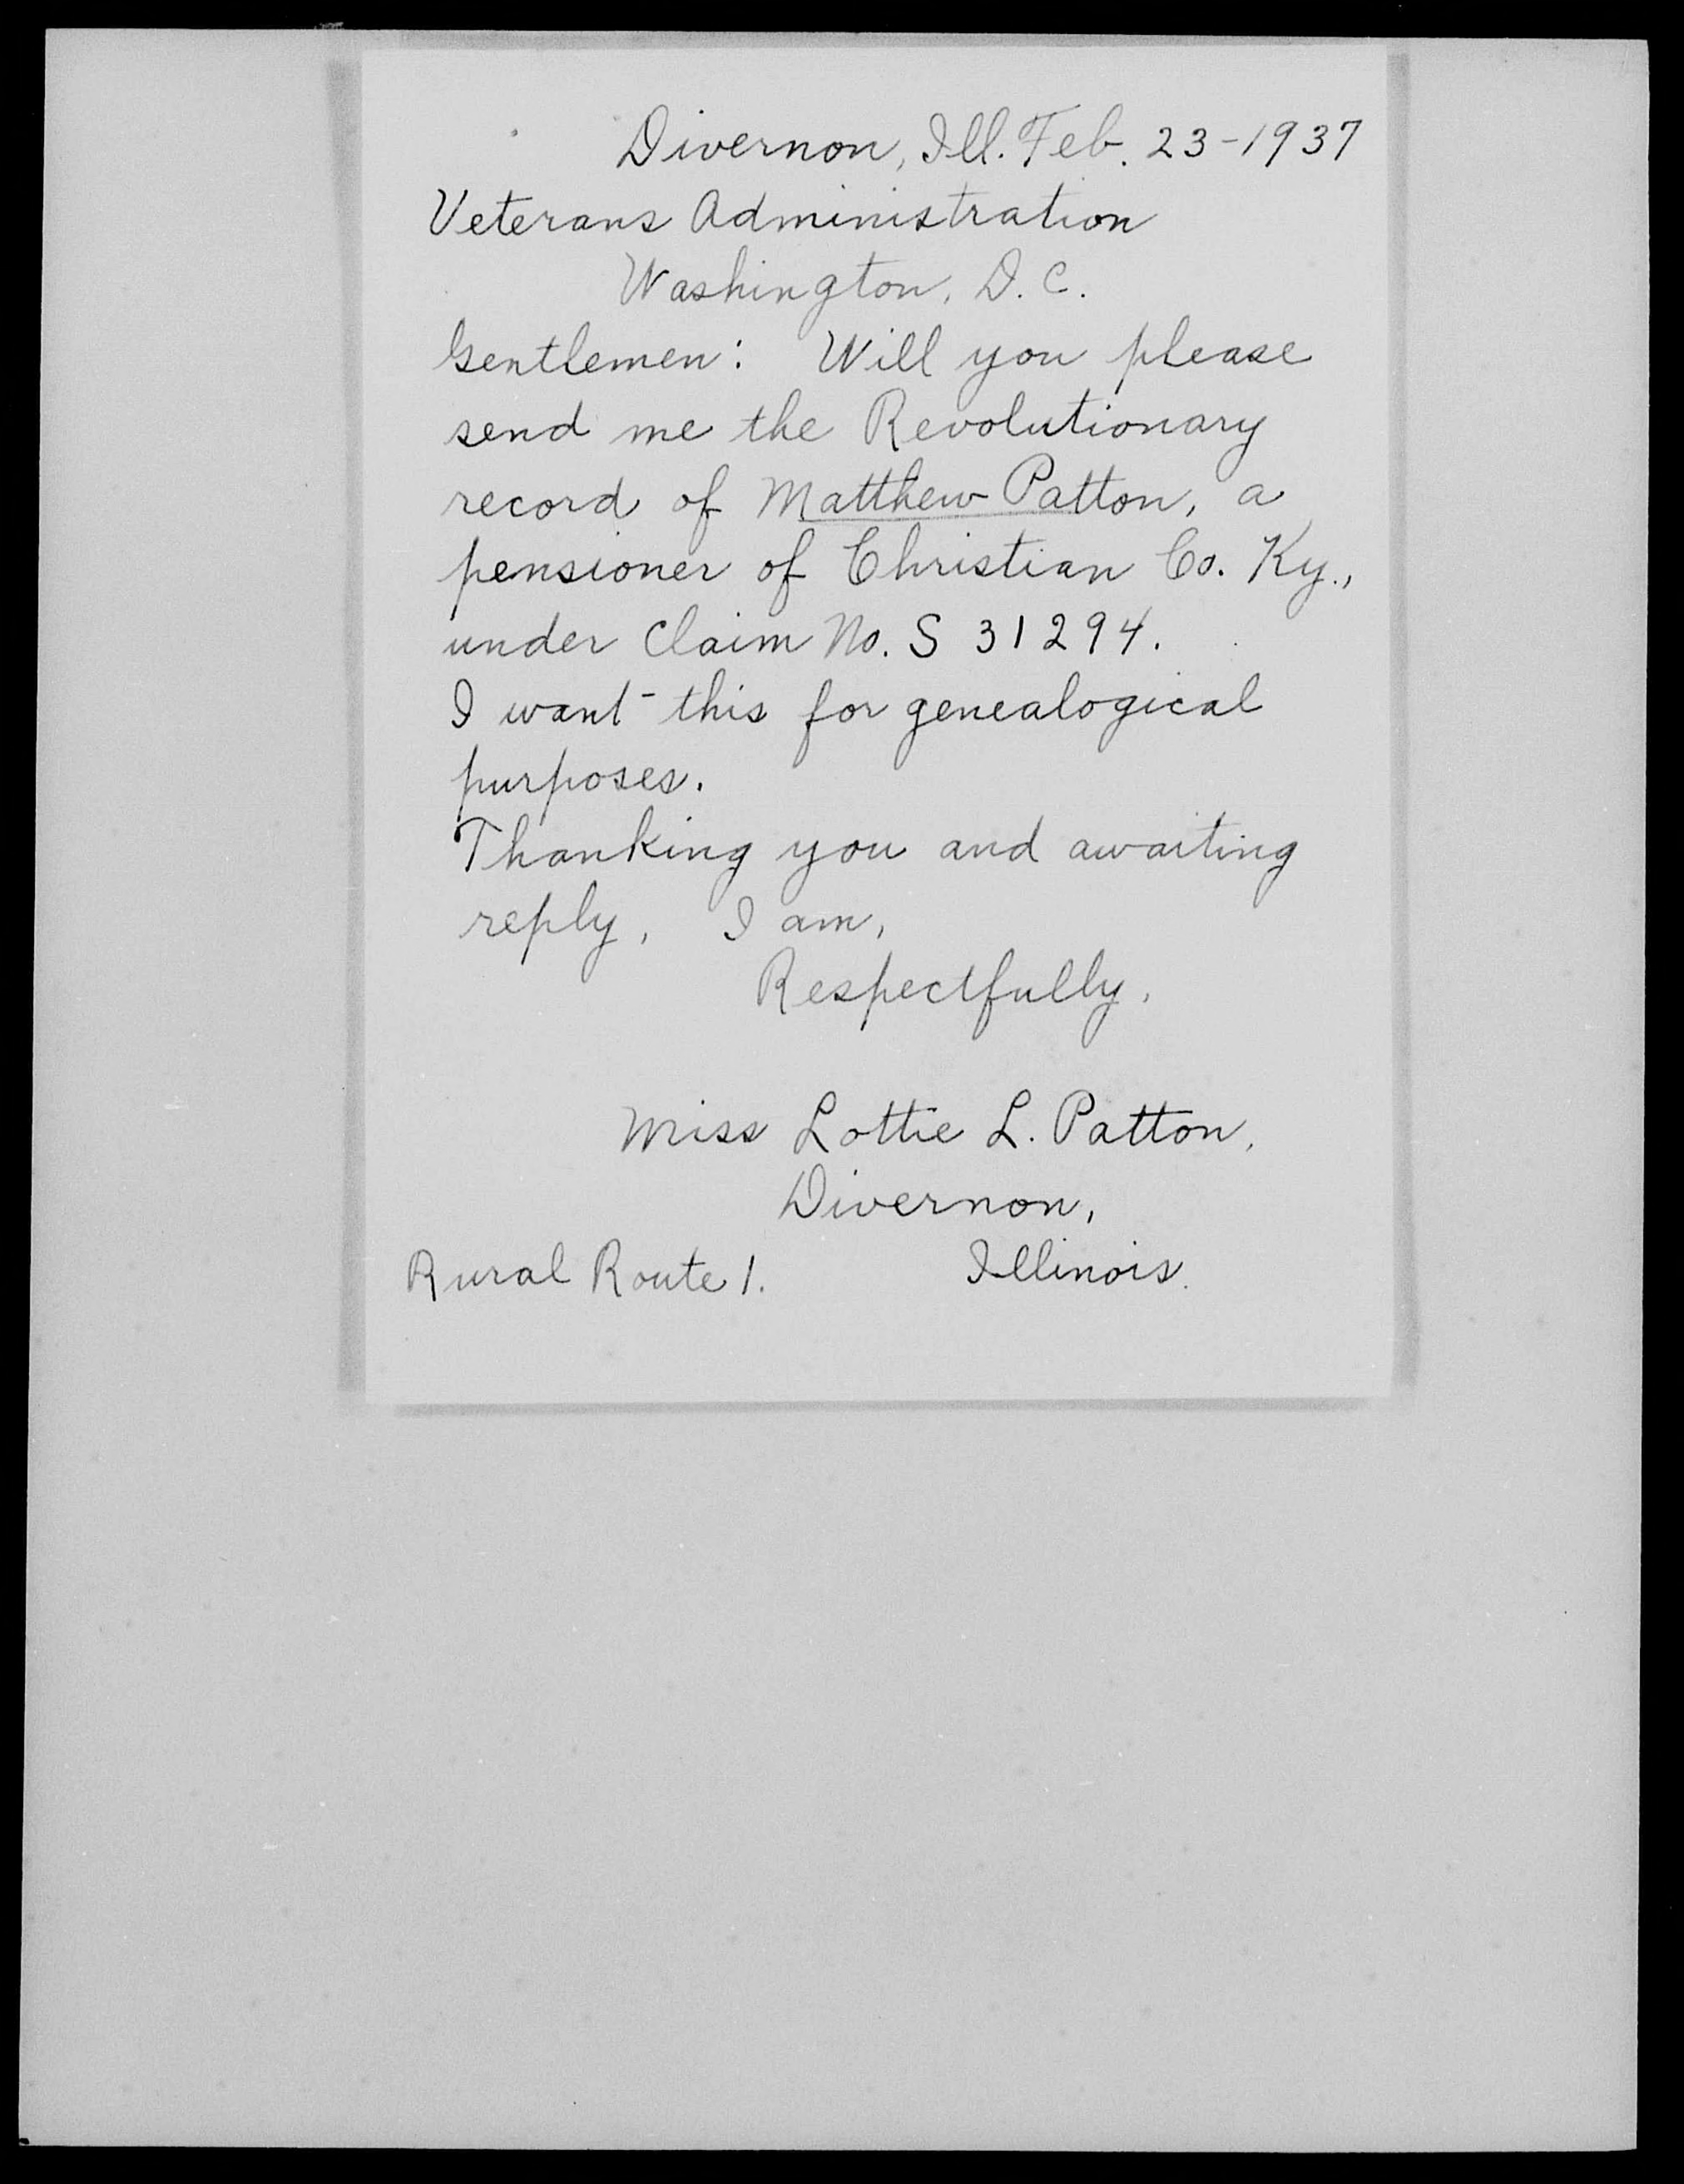Divernon, Ill.
Feb. 23 – 1937

Veterans Administration
Washington, D.C.

Gentlemen:
Will you please send me the Revolutionary record of Matthew Patton, a pensioner of Christian Co. Ky., under Claim No. S31294.
I want this for genealogical purposes.

Thanking you and awaiting reply, I am,
Respectfully,
Miss Lottie L. Patton
Divernon,
Rural Route 1.
Illinois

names: Lottie L Patton; Matthew Patton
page: 28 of 45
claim: survivor's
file: S. 31294, for Matthew Patton, Maryland